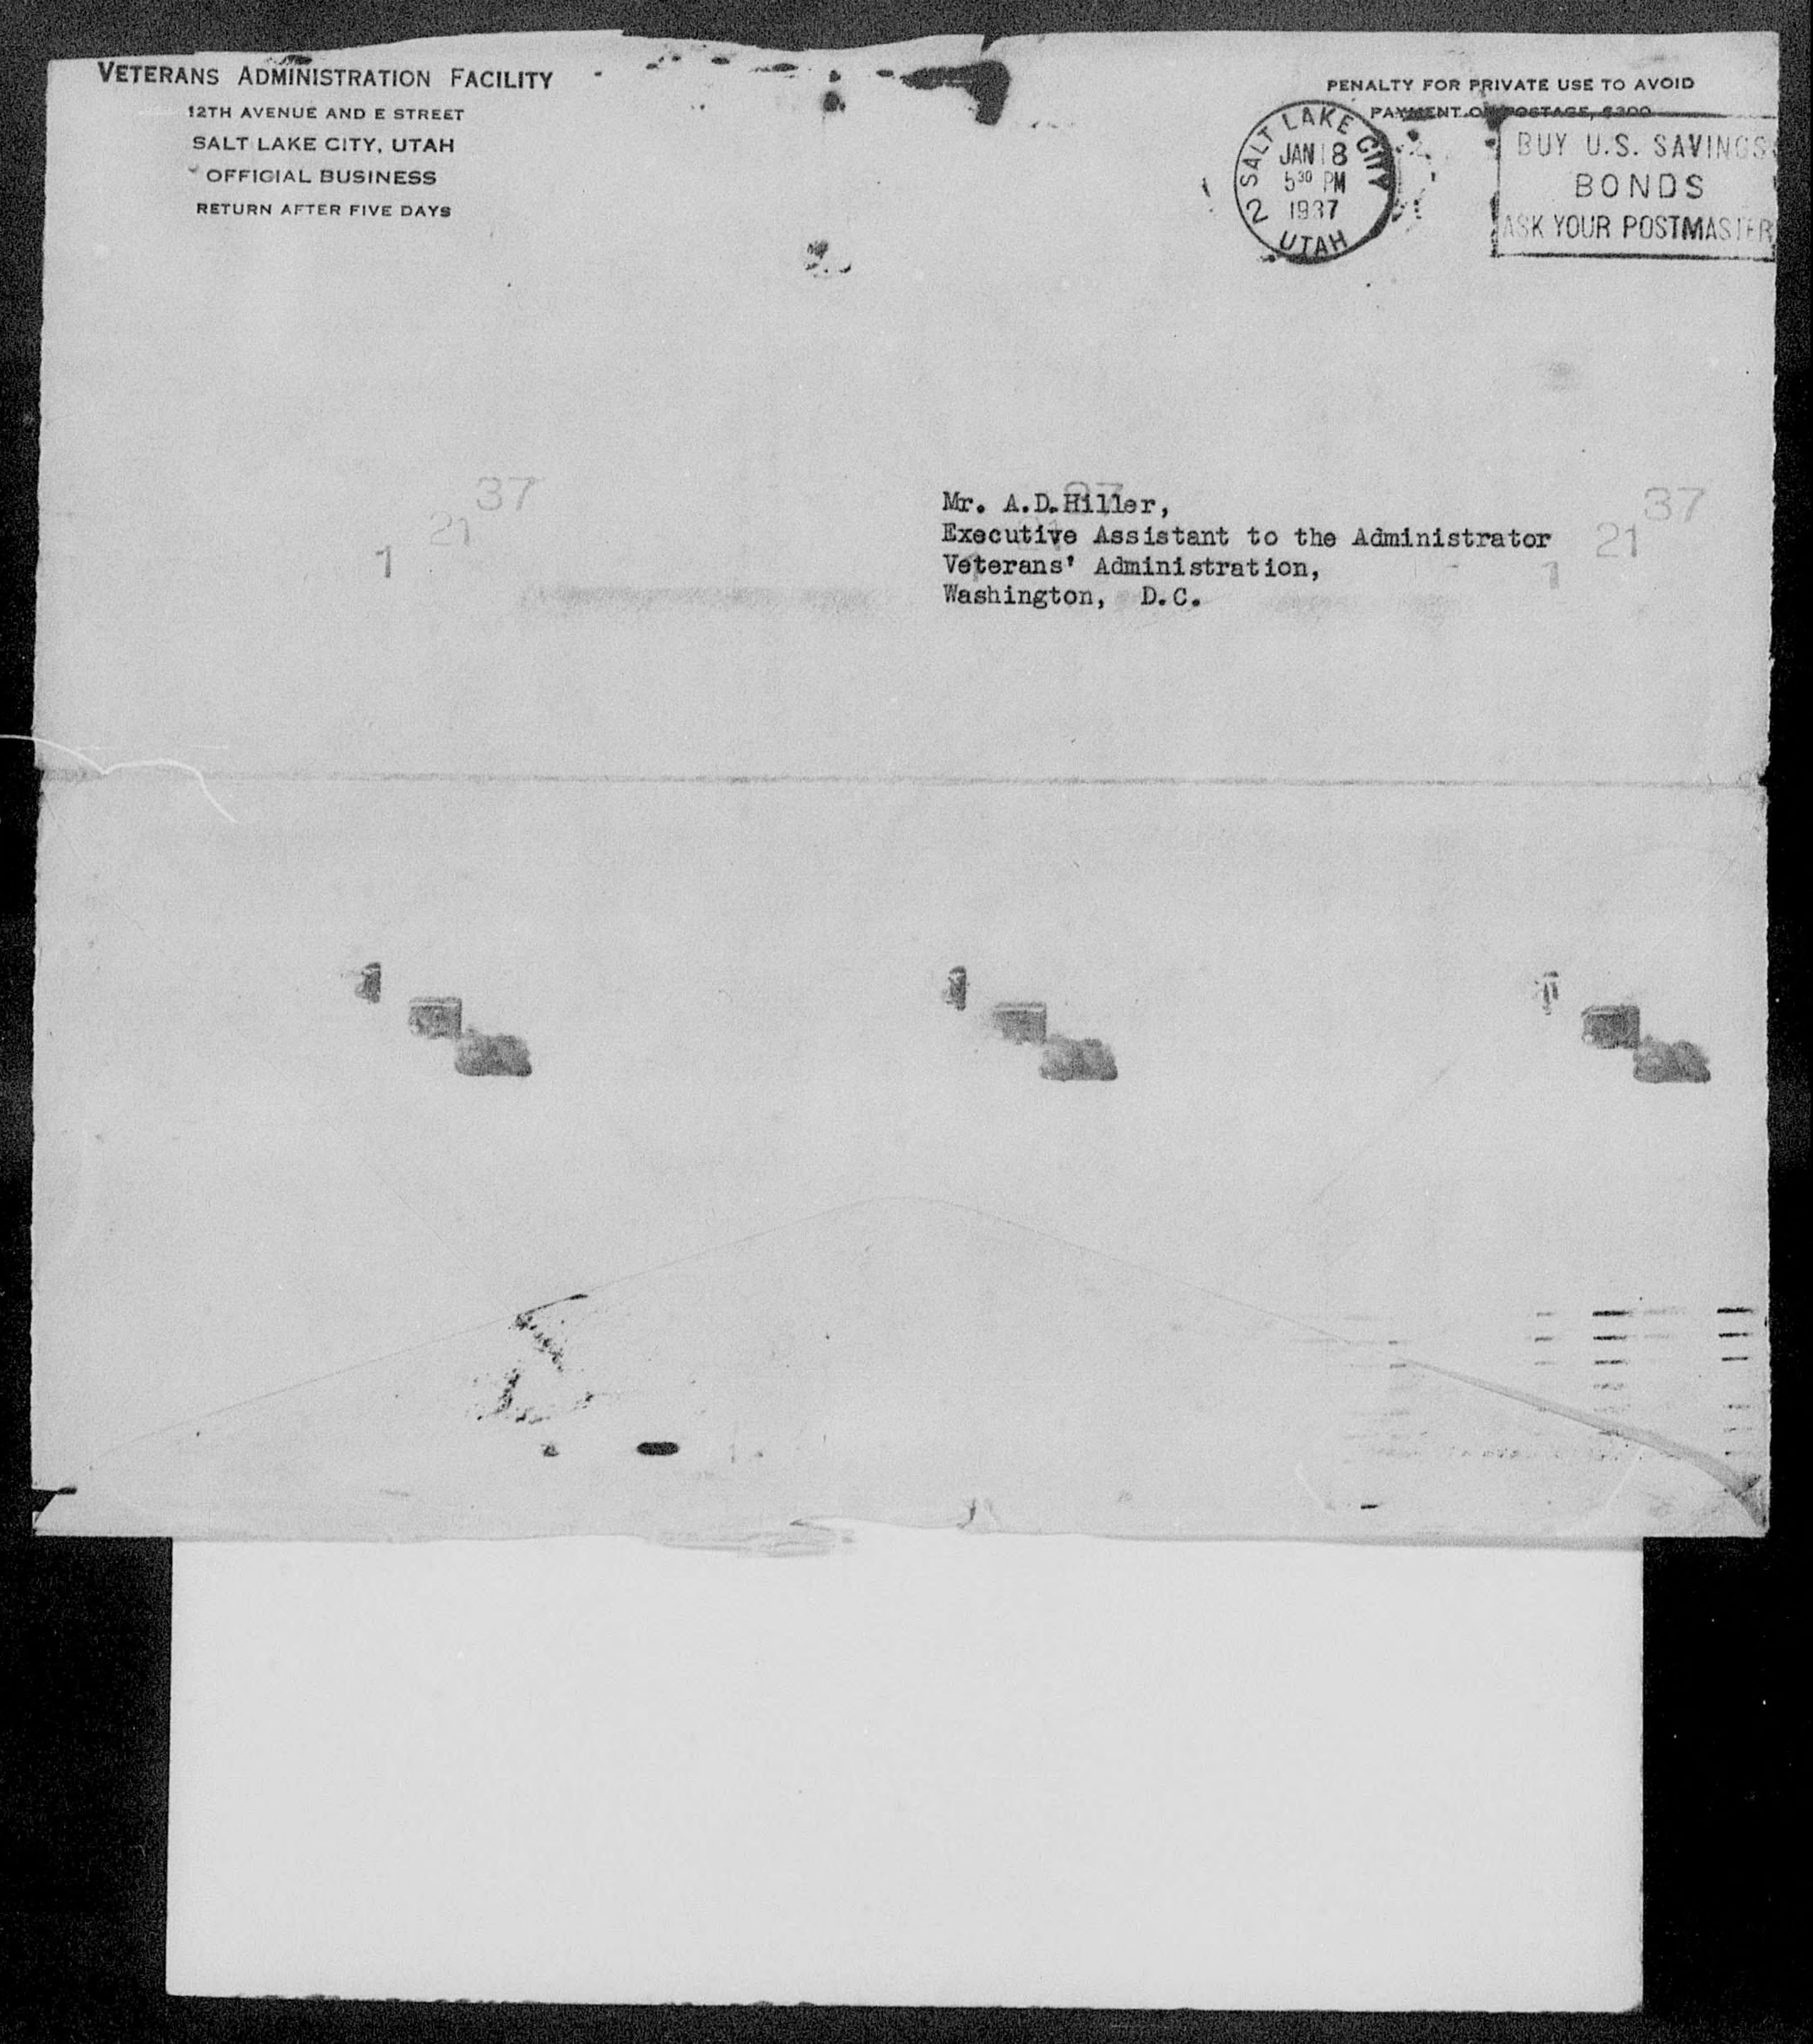[envelope]

Veterans Administration Facility
12th Avenue and E. Street
Salt Lake City, Utah
Official Business
Return after Five days


[postal stamp] 
Salt Lake City
Jan 18
530 pm
1937
Utah

Buy US Saving Bonds
Ask your postmaster

Penalty for private use to avoid payment of  postage $300

Mr. A.D. Hiller
Executive Assistant to the Adminstrator
Veterans' Administration 
Washington, D.C.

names: A D Hiller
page: 75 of 86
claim: widow's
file: W. 6899, James Carrell, N.C.